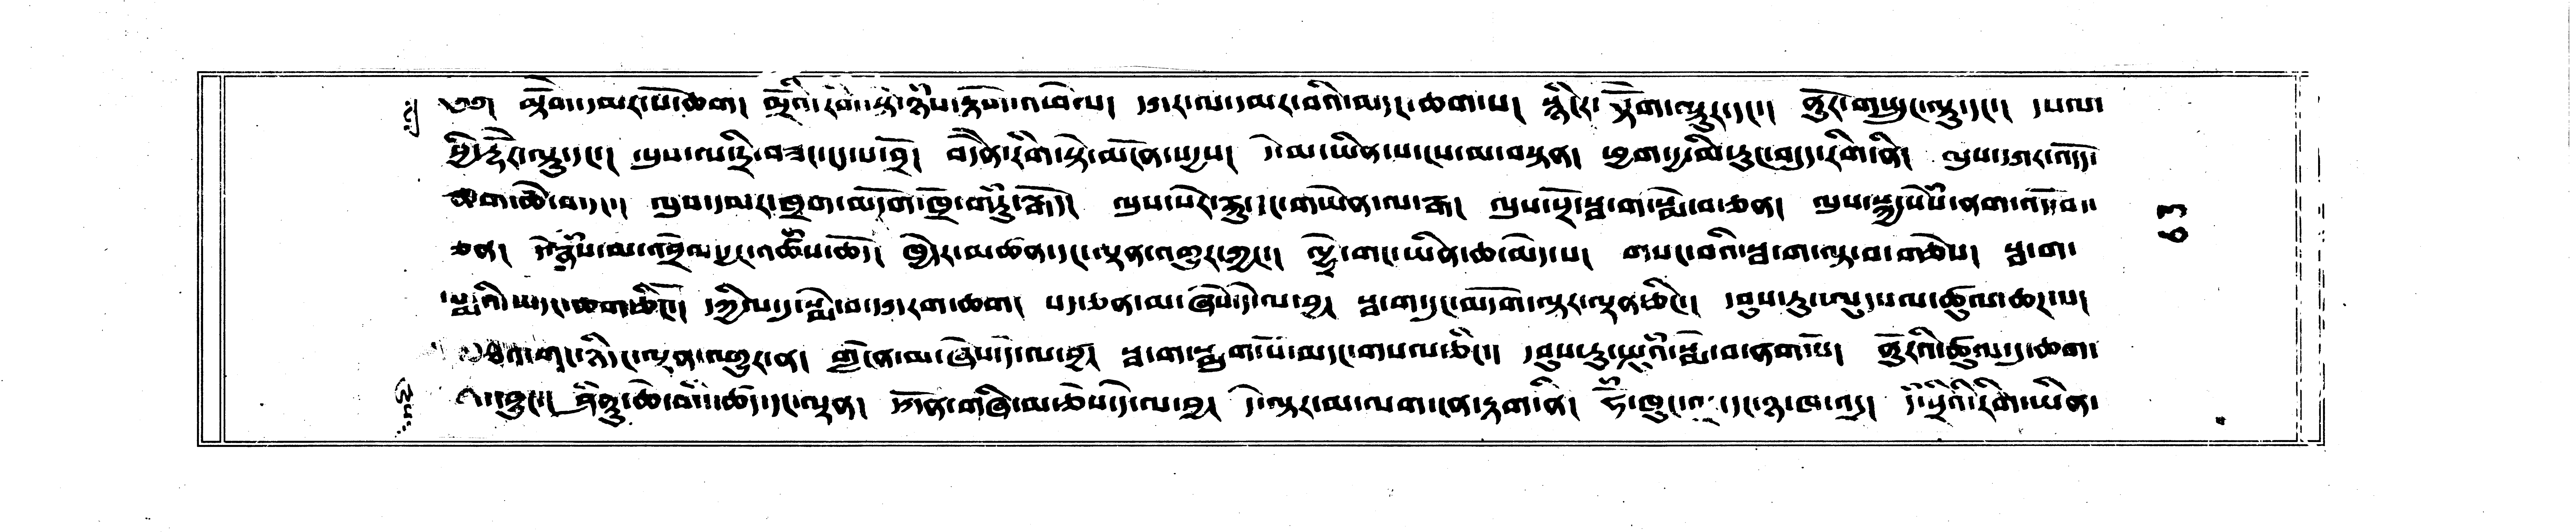མེ་ཏོག་དམར་པོ་ཆགས། མཁའ་འགྲོའི་རིགས་ཏེ་ཉམས་རྟོགས་འཕེལ། དཀར་ལ་དམར་བའི་མདངས་ཆགས་པ། སྙིང་ཁར་མེ་ཏོག་ལྟ་བུ་དང་། ནོར་བུ་གཡུང་དྲུང་ལྟ་བུ་དང་། དཔལ་
གྱི་རྡོ་རྗེ་ལྟ་བུ་དང་། ལུས་ལ་དྲི་བཟང་ངད་པ་བྲོ། བདེ་ཆེན་རིགས་ཏེ་མངོན་སངས་རྒྱས། དེ་མ་ཡིན་པ་ངས་མ་བསྟན། ཕྱག་རྒྱ་མི་རུང་བདུད་རིགས་ནི། ལུས་དཀར་འདོད་
ཆགས་ཆེ་བ་དང་། ལུས་དམར་ཁྲག་མདོག་ཁྲོ་གཏུམ་རྒོད། ལུས་སེར་རྐུ་དང་གཡེན་ལ་དགའ། ལུས་སྔོ་སྦ་ག་སྨེ་བ་ཅན། ལུས་སྐྱ་སེམས་ནག་འདོད་ཆགས་
ཅན། དེ་རྣམས་མ་འབྲེལ་རྒྱང་མཚམས་ཆོད། ཁྱད་པར་མཚན་དང་ལྡན་གྱུར་ཀྱང་། ལྷ་འདྲེ་གང་ཡིན་ཆ་མེད་པ། གསང་བའི་སྦ་ག་ལྟ་བ་གཅེས། སྦ་ག་
པད་མའི་མདངས་ཆགས་ཤིང་། དཀྱིལ་དུ་སྨེ་བ་དཀར་ནག་ཆགས། པད་ཅན་མ་ཞེས་དེ་ལ་བྱ། སྦ་ག་དུང་མདོག་ལྟར་ལྡན་ཅིང་། དབུས་རུ་ཨུཏྤལ་ཚུགས་ཆགས་པ། 
མཐའ་གང་ཉིད་དང་ལྡན་གྱུར་ན། གླང་ཆེན་མ་ཞེས་དེ་ལ་བྱ། སྦ་ག་སྨུག་པོ་མདངས་གསལ་ཅིང་། དབུས་རུ་སྤུའམ་སྨེ་བ་ནག་པོ། ནོར་བུའི་ཚུལ་དུ་ཆགས་
པ་འབྱུང་། ཤིན་ཏུ་ཆེ་བའི་ཚད་དང་ལྡན། དཀོན་བཞི་མ་ཅེས་དེ་ལ་བྱ། དེ་ལྟར་མ་ལགས་ངན་རྟགས་ནི། ཧོམ་ཁུང་འདྲ་དང་ཉ་ཁ་འདྲ། དམ་སྲིའི་རིགས་ཡིན་